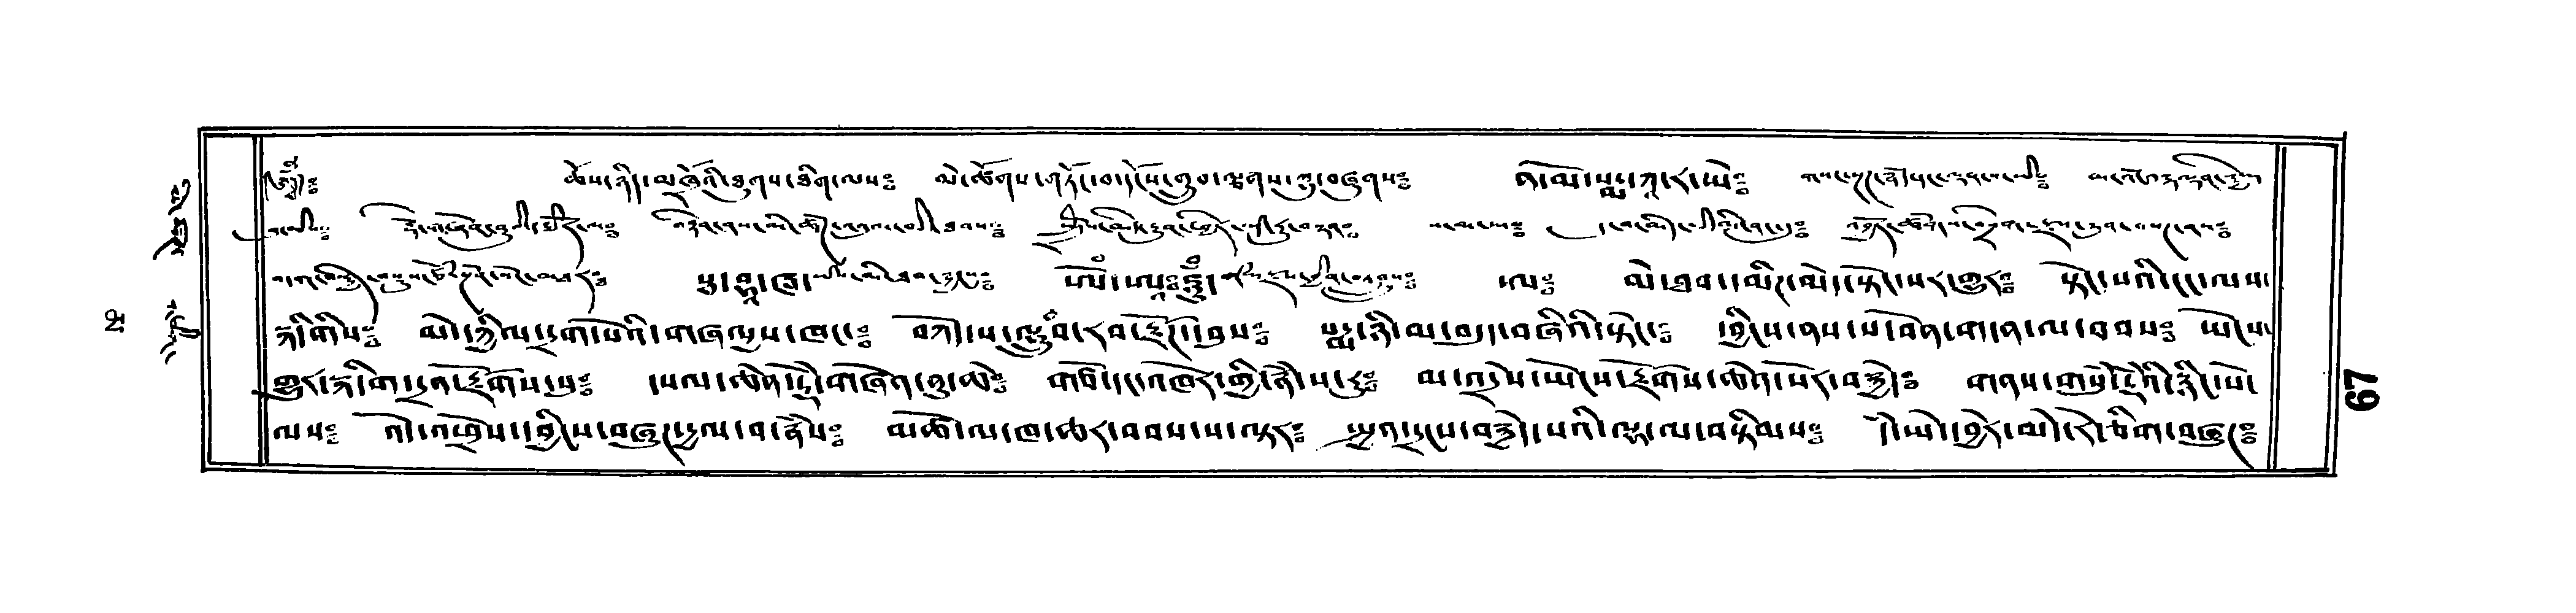ཆོས་ཉིད་མཁའ་འགྲོའི་ཐུགས་ཐིག་ལས༔ མེ་ཚོགས་གཏོང་བ་དངོས་གྲུབ་ལྕགས་ཀྱུ་བཞུགས༔ ན་མོ་པདྨ་ཀཱ་ར་ཡེ༔ གསང་སྔགས་སྣོད་དང་ལྡན་པ་ཡི༔ མ་འོངས་སྐལ་ལྡན་སྐྱེས་
བུ་ཡིས༔ རྡོ་རྗེ་གཞོན་ནུའི་དཀྱིལ་འཁོར་ལ༔ བརྟེན་ནས་མེ་ཚོགས་འབུལ་བའི་ཐབས༔ སྤྲོས་མེད་རྒྱུན་ཁྱེར་འདི་རུ་བསྟན༔ ས་མ་ཡ༔ དུ་བ་མེད་པའི་མེ་ནང་དུ༔ འབྱོར་ཚོགས་བསྲེག་རྫས་ཀུན་བསགས་ནས༔ 
བདག་བསྐྱེད་བསྡུས་ཙམ་སྔོན་སོང་མཐར༔ སྭ་བྷཱ་ཝ་ཡིས་མེ་ཐབ་སྦྱངས༔ ཨོཾ་ཨཱཿཧཱུྃ་གིས་རྫས་བྱིན་བརླབས༔ ཨཱཿ མེ་ཐབ་དམིགས་མེད་སྟོང་པར་གྱུར༔ སྟོང་པའི་ངང་ལས་
སྐད་ཅིག་གིས༔ མེ་དཀྱིལ་དྲག་པོའི་གཞལ་ཡས་ཁང༔ བཀོད་པ་ལྷུན་གྲུབ་རབ་རྫོགས་དབུས༔ པདྨ་ཉི་མ་བདུད་བཞིའི་སྟེང༔ དབྱིངས་ནས་ས་བོན་གདན་ལ་བབས༔ ཡོངས་
གྱུར་སྐད་ཅིག་དྲན་རྫོགས་སུ༔ དཔལ་ཆེན་རྡོ་རྗེ་གཞོན་ནུ་ཆེ༔ གཙོ་དང་འཁོར་གྱི་རྣམ་པ་རུ༔ མ་འདྲེས་ཡོངས་རྫོགས་ཆེན་པོར་བསྐྱེད༔ གནས་གསུམ་རྡོ་རྗེའི་སྙིང་པོ་
ལས༔ འོད་འཕྲོས་དབྱིངས་བཞུགས་རྒྱལ་བ་རྣམས༔ མཚོ་ལ་ཁ་ཆར་བབས་པ་ལྟར༔ སྤྱན་དྲངས་བསྐྱེད་པའི་ལྷ་ལ་བསྟིམས༔ དམ་ཡེ་དབྱེར་མེད་རོ་ཅིག་བཞུགས༔